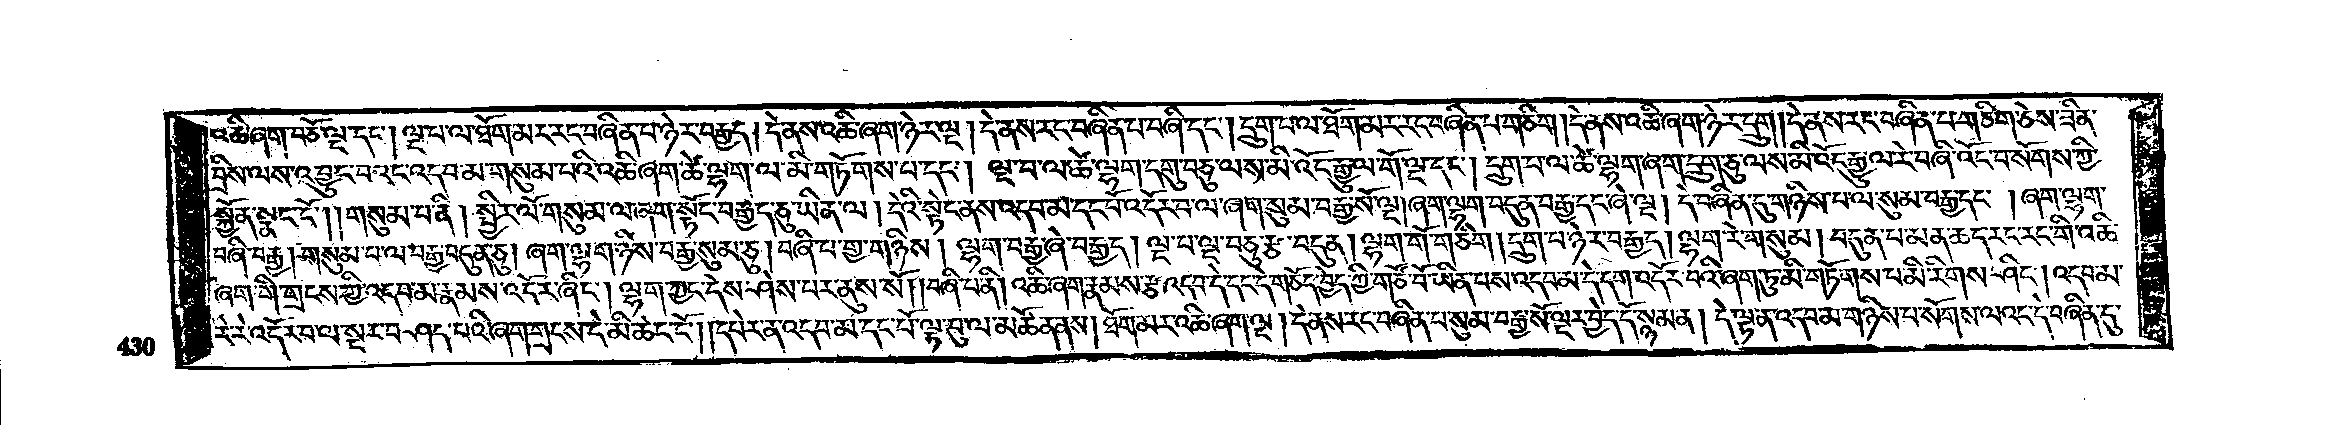འཆི་ཞག་བཅོ་ལྔ་དང་། ལྔ་པ་ལ་ཐོག་མར་རང་བཞིན་པ་ཉེར་བརྒྱད། དེ་ནས་འཆི་ཞག་ཉེར་ལྔ། དེ་ནས་རང་བཞིན་པ་བཞི་དང་། དྲུག་པ་ལ་ཐོག་མར་རང་བཞིན་པ་གཅིག །དེ་ནས་འཆི་ཞག་ཉེར་དྲུག །དེ་ནས་རང་བཞིན་པ་གཅིག་ཅེས་ཟིན་
བྲིས་ལས་འབྱུང་བའང་འདབ་མ་གསུམ་པའི་འཆི་ཞག་ཚེ་ལྷག་ལ་མི་གཏོགས་པ་དང་། ལྔ་བ་ལ་ཚེ་ལྷག་དགུ་བཅུ་ལས་མི་འོང་རྒྱུ་ལ་གོ་ལྔ་དང་། དྲུག་པ་ལ་ཚེ་ལྷག་ཞག་དྲུག་ཅུ་ལས་མི་འོང་རྒྱུ་ལ་རེ་བཞི་འོང་བ་སོགས་ཀྱི་
སྐྱོན་སྣང་ངོ། །གསུམ་པ་ནི། སྤྱིར་ལོ་གསུམ་ལ་ཞག་སྟོང་བརྒྱད་ཅུ་ཡིན་ལ། དེའི་སྟེང་ནས་འདབ་མ་དང་པོ་འདོར་བ་ལ་ཞག་སུམ་བརྒྱ་སོ་ལྔ། ཞག་ལྷག་བདུན་བརྒྱ་དང་ཞེ་ལྔ། དེ་བཞིན་དུ་གཉིས་པ་ལ་སུམ་བརྒྱ་དང་། ཞག་ལྷག་
བཞི་བརྒྱ། གསུམ་པ་ལ་བརྒྱ་བདུན་ཅུ། ཞག་ལྷག་ཉིས་བརྒྱ་སུམ་ཅུ། བཞི་པ་གྱ་གཉིས། ལྷག་བརྒྱ་ཞེ་བརྒྱད། ལྔ་པ་ལྔ་བཅུ་རྩ་བདུན། ལྷག་གོ་གཅིག །དྲུག་པ་ཉེར་བརྒྱད། ལྷག་རེ་གསུམ། བདུན་པ་མན་ཆད་རང་རང་གི་འཆི་
ཞག་གི་གྲངས་ཀྱི་འདབ་མ་རྣམས་འདོར་ཞིང་། ལྷག་ཀྱང་དེས་ཤེས་པར་ནུས་སོ། །བཞི་པ་ནི། འཆི་ཞག་རྣམས་རྩ་འདབ་དེ་དང་དེ་གཅོད་བྱེད་ཀྱི་གཙོ་བོ་ཡིན་པས་འདབ་མ་དེ་དག་འདོར་བའི་ཞག་ཏུ་མི་གཏོགས་པ་མི་རིགས་ཤིང་། འདབ་མ་
རེ་རེ་འདོར་བ་ལ་སྔར་བཤད་པའི་ཞག་གྲངས་དེ་མི་ཚང་ངོ། །དཔེར་ན་འདབ་མ་དང་པོ་ལྟ་བུ་ལ་མཚོན་ནས། ཐོག་མར་འཆི་ཞག་ལྔ། དེ་ནས་རང་བཞིན་པ་གསུམ་བརྒྱ་སོ་ལྔར་བྱེད་དོ་སྙམ་ན། དེ་ལྟ་ན་འདབ་མ་གཉིས་པ་སོགས་ལའང་དེ་བཞིན་དུ་